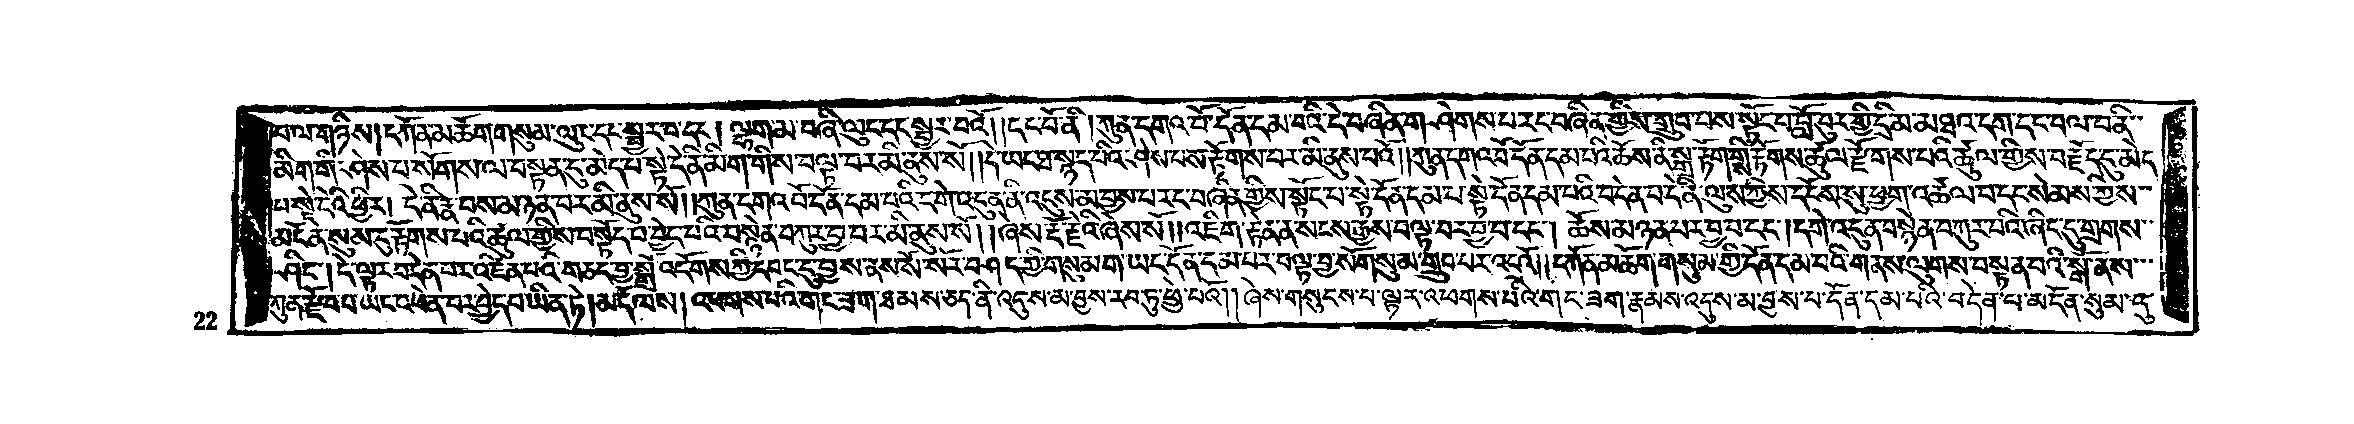པ་ལ་གཉིས། དཀོན་མཆོག་གསུམ་ལུང་དང་སྦྱར་བ་དང་། ལྷག་མ་བཞི་ལུང་དང་སྦྱར་བའོ། །དང་པོ་ནི། ཀུན་དགའ་བོ་དོན་དམ་པའི་དེ་བཞིན་གཤེགས་པ་རང་བཞིན་གྱིས་གྲུབ་པས་སྟོང་པ་བློ་བུར་གྱི་དྲི་མ་མཐའ་དག་དང་བལ་པ་ནི་
མིག་གི་ཤེས་པ་སོགས་ལ་བསྟན་དུ་མེད་པ་སྟེ་དེ་ནི་མིག་གིས་བལྟ་བར་མི་ནུས་སོ། །དེ་ཡང་ཐ་སྙད་པའི་ཤེས་པས་རྟོགས་པར་མི་ནུས་པའོ། །ཀུན་དགའ་བོ་དོན་དམ་པའི་ཆོས་ནི་སྒྲ་རྟོག་གིས་རྟོགས་ཚུལ་རྫོགས་པའི་ཚུལ་གྱིས་བརྗོད་དུ་མེད་
པ་སྡེ་དེའི་ཕྱིར། དེ་ནི་རྣ་བས་མཉན་པར་མི་ནུས་མི་ནུས་སོ། །ཀུན་དགའ་བོ་དོན་དམ་པའི་དགེ་འདུན་ནི་འདུས་མ་བྱས་པ་རང་བཞིན་གྱིས་སྟོང་པ་སྟེ་དོན་དམ་པ་སྟེ་དོན་དམ་པའི་བདེན་པ་དེ་ནི་ལུས་ཀྱིས་དངོས་སུ་ཕྱག་འཚལ་བ་དང་སེམས་ཀྱིས་
མངོན་སུམ་དུ་རྟོགས་པའི་ཚུལ་གྱིས་བསྟོད་པ་བྱེད་པའི་བསྙེན་བཀུར་བྱ་བར་མི་ནུས་སོ། །ཞེས་རྡོ་རྗེའི་ཞེས་སོ། །འཇིག་རྟེན་ན་སངས་རྒྱས་བལྟ་བར་བྱ་བ་དང་། ཆོས་མཉན་པར་བྱ་བ་དང་། དགེ་འདུན་བསྙེན་བཀུར་པའི་ཞིང་དུ་གྲགས་
ཤིང་། དེ་ལྟར་བདེན་པར་འཛིན་པའི་གཅད་བྱ་སྒྲོ་འདོགས་ཀྱི་དབང་དུ་བྱས་ནས་སོ་སོར་བཤད་ཀྱི་གསུམ་ག་ཡང་དོན་དམ་པར་བལྟ་བྱ་སོགས་སུ་མ་གྲུབ་པར་འདྲའོ། །དཀོན་མཆོག་གསུམ་གྱི་དོན་དམ་པའི་གནས་ལུགས་བསྟན་པའི་སྒོ་ནས་
ཀུན་རྫོབ་པ་ཡང་འཕེན་པར་བྱེད་པ་ཡིན་ཏེ། མདོ་ལས། འཕགས་པའི་གང་ཟག་ཐམས་ཅད་ནི་འདུས་མ་བྱས་རབ་ཏུ་ཕྱེ་བའོ། །ཞེས་གསུངས་པ་ལྟར་འཕགས་པའི་གང་ཟག་རྣམས་འདུས་མ་བྱས་པ་དོན་དམ་པའི་བདེན་པ་མངོན་སུམ་དུ་